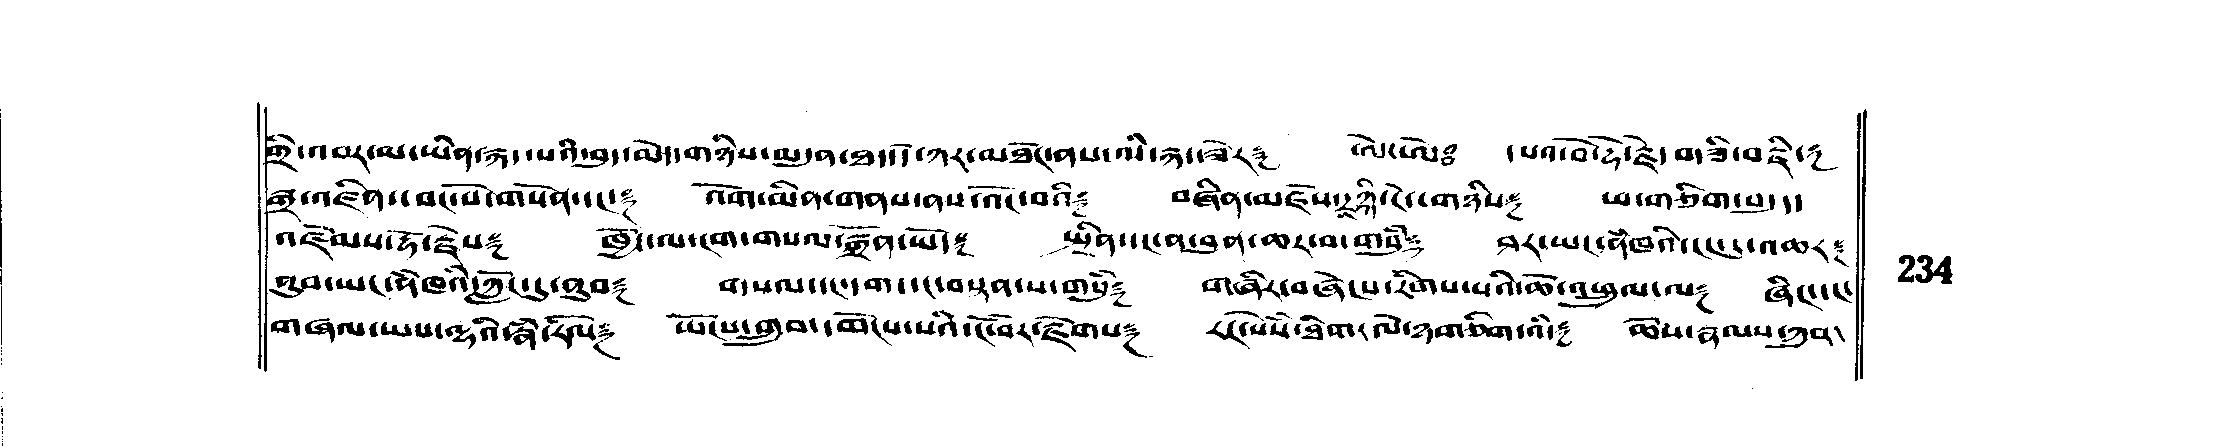གྲི་འབར་མ་ཡིན་སྐད་པའི་བུད་མེད་གཉིས་མདུན་ཐད་དེ་ཀར་མཐོང་ནས་འདི་སྐད་ཟེར། ཨེ་ཨེཿ དཔའ་བོ་རྡོ་རྗེ་གཟི་བརྗིད། །
སྒྲ་འཛིན་དབང་པོ་གསོན་དང་། །འོག་མིན་གནས་ནས་འོང་བའི། །བཞིན་མཛེས་ཌཱཀྐི་ངེད་གཉིས། །ཕ་གཅིག་བདུད་
འཇོམས་རྡོ་རྗེས། ཁྱོད་ལ་ངག་གསལ་སྒྲོན་ཡོད། །སྤྲིན་དང་ན་བུན་ཆར་པ་གསུམ། །ཤར་ཡང་ནམ་མཁའི་ངང་དུ་འཆར། །
ནུབ་ཀྱང་ནམ་མཁའི་ཀློང་དུ་ནུབ། །གསལ་དང་དག་དང་བརྟན་པ་གསུམ། །གཞིར་བཞེངས་རིག་པའི་ཆོ་འཕྲུལ་ལ། །ཞིང་དང་
གཞལ་ཡས་ལྷའི་རྣམ་རོལ། །ཡོངས་གྲུབ་དགོངས་པའི་ངོ་བོར་རྫོགས། །རང་སེམས་ཐིག་ལེ་ཉག་གཅིག་འདི། །ཆོས་རྣམས་ཀུན་